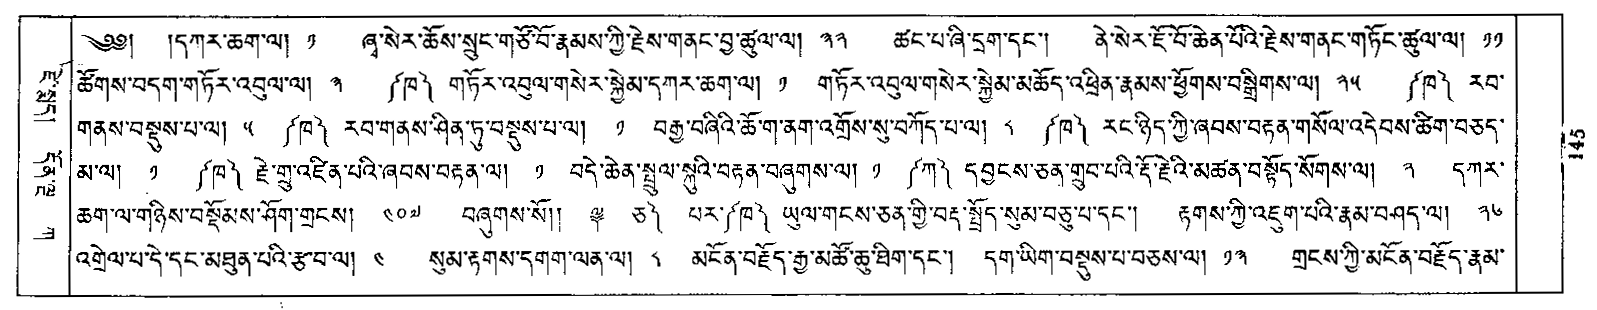༄༅། །དཀར་ཆག་ལ། ༡་ཞྭ་སེར་ཆོས་སྲུང་གཙོ་བོ་རྣམས་ཀྱི་རྗེས་གནང་བྱ་ཚུལ་ལ། ༣༢་ཚང་པ་ཞི་དྲག་དང་། ནེ་སེར་ཇོ་བོ་ཆེན་པོའི་རྗེས་གནང་གཏོང་ཚུལ་ལ། ༡༡
ཚོགས་བདག་གཏོར་འབུལ་ལ། ༣་?ཁ༼་གཏོར་འབུལ་གསེར་སྐྱེམ་དཀར་ཆག་ལ། ༡་གཏོར་འབུལ་གསེར་སྐྱེམ་མཆོད་འཕྲིན་རྣམས་ཕྱོགས་བསྒྲིགས་ལ། ༢༥་?ཁ༽ རབ་
གནས་བསྡུས་པ་ལ། ༥་?ཁ༼་རབ་གནས་ཤིན་ཏུ་བསྡུས་པ་ལ། ༡་བརྒྱ་བཞིའི་ཆོ་ག་ནག་འགྲོས་སུ་བཀོད་པ་ལ། ༨་?ཁ༽ རང་ཉིད་ཀྱི་ཞབས་བརྟན་གསོལ་འདེབས་ཚིག་བཅད་
མ་ལ། ༡་?ཁ༼་རྗེ་གྲུ་འཛིན་པའི་ཞབས་བརྟན་ལ། ༡་བདེ་ཆེན་སྤྲུལ་སྐུའི་བརྟན་བཞུགས་ལ། ༡་?ཀ༽ དབྱངས་ཅན་གྲུབ་པའི་རྡོ་རྗེའི་མཚན་བསྟོད་སོགས་ལ། ༢་དཀར་
ཆག་ལ་གཉིས་བསྡོམས་ཤོག་གྲངས། ༤༠༧་བཞུགས་སོ། ། ༈ ཅ༼་པར་?ཁ༽ ཡུལ་གངས་ཅན་གྱི་བརྡ་སྤྲོད་སུམ་བཅུ་པ་དང་། རྟགས་ཀྱི་འཇུག་པའི་རྣམ་བཤད་ལ། ༢༦
འགྲེལ་པ་དེ་དང་མཐུན་པའི་རྩ་བ་ལ། ༤་སུམ་རྟགས་དགག་ལན་ལ། ༨་མངོན་བརྗོད་རྒྱ་མཚོ་ཆུ་ཐིག་དང་། དག་ཡིག་བསྡུས་པ་བཅས་ལ། ༡༣་གྲངས་ཀྱི་མངོན་བརྗོད་རྣམ་